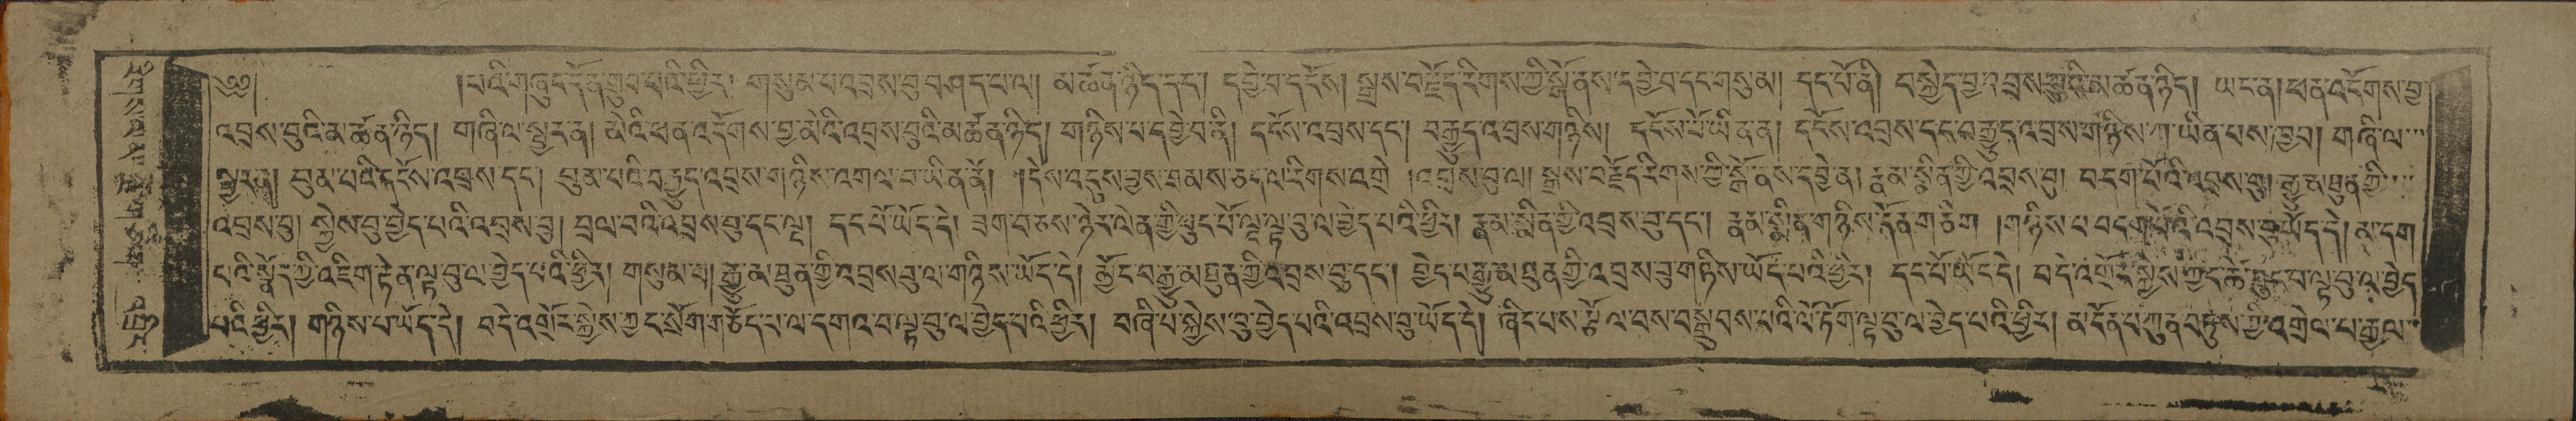༄༅། །པའི་གཞུང་དོན་གྲུབ་པའི་ཕྱིར། གསུམ་པ་འབྲས་བུ་བཤད་པ་ལ། མཚན་ཉིད་དང་། དབྱེ་བ་དངོས། སྒྲས་བརྗོད་རིགས་ཀྱི་སྒོ་ནས་དབྱེ་བ་དང་གསུམ། དང་པོ་ནི། བསྐྱེད་བྱ་འབྲས་བུའི་མཚན་ཉིད། ཡང་ན། ཕན་འདོགས་བྱ་
འབྲས་བུའི་མཚན་ཉིད། གཞི་ལ་སྦྱར་ན། མེའི་ཕན་འདོགས་བྱ་མེའི་འབྲས་བུའི་མཚན་ཉིད། གཉིས་པ་དབྱེ་བ་ནི། དངོས་འབྲས་དང་། བརྒྱུད་འབྲས་གཉིས། དངོས་པོ་ཡིན་ན། དངོས་འབྲས་དང་བརྒྱུད་འབྲས་གཉིས་ཀ་ཡིན་པས་ཁྱབ། གཞི་ལ་
སྦྱར་ན། བུམ་པའི་དངོས་འབྲས་དང་། བུམ་པའི་བརྒྱུད་འབྲས་གཉིས་འགལ་བ་ཡིན་ནོ། །དེས་འདུས་བྱས་ཐམས་ཅད་ལ་རིགས་འགྲེ་།འབྲས་བུ་ལ། སྒྲས་བརྗོད་རིགས་ཀྱི་སྒོ་ནས་དབྱེ་ན། རྣམ་སྨིན་གྱི་འབྲས་བུ། བདག་པོའི་འབྲས་བུ། རྒྱུ་མཐུན་གྱི་
འབྲས་བུ། སྐྱེས་བུ་བྱེད་པའི་འབྲས་བུ། བྲལ་བའི་འབྲས་བུ་དང་ལྔ། དང་པོ་ཡོད་དེ། ཟག་བཅས་ཉེར་ལེན་གྱི་ཕུང་པོ་ལྔ་ལྟ་བུ་ལ་བྱེད་པའི་ཕྱིར། རྣམ་སྨིན་གྱི་འབྲས་བུ་དང་། རྣམ་སྨིན་གཉིས་དོན་གཅིག །གཉིས་པ་བདག་པོའི་འབྲས་བུ་ཡོད་དེ། མ་དག་
པའི་སྣོད་ཀྱི་འཇིག་རྟེན་ལྟ་བུ་ལ་བྱེད་པའི་ཕྱིར། གསུམ་པ། རྒྱུ་མཐུན་གྱི་འབྲས་བུ་ལ་གཉིས་ཡོད་དེ། མྱོང་བ་རྒྱུ་མཐུན་གྱི་འབྲས་བུ་དང་། བྱེད་པ་རྒྱུ་མཐུན་གྱི་འབྲས་བུ་གཉིས་ཡོད་པའི་ཕྱིར། དང་པོ་ཡོད་དེ། བདེ་འགྲོར་སྐྱེས་ཀྱང་ཚེ་ཐུང་བ་ལྟ་བུ་ལ་བྱེད་
པའི་ཕྱིར། གཉིས་པ་ཡོད་དེ། བདེ་འགྲོར་སྐྱེས་ཀྱང་སྲོག་གཅོད་པ་ལ་དགའ་བ་ལྟ་བུ་ལ་བྱེད་པའི་ཕྱིར། བཞི་པ་སྐྱེས་བུ་བྱེད་པའི་འབྲས་བུ་ཡོད་དེ། ཞིང་པས་རྩོལ་བས་བསྒྲུབས་པའི་ལོ་ཏོག་ལྟ་བུ་ལ་བྱེད་པའི་ཕྱིར། མདོན་པ་ཀུན་བཏུས་ཀྱི་འབྲེལ་པ་རྒྱལ་